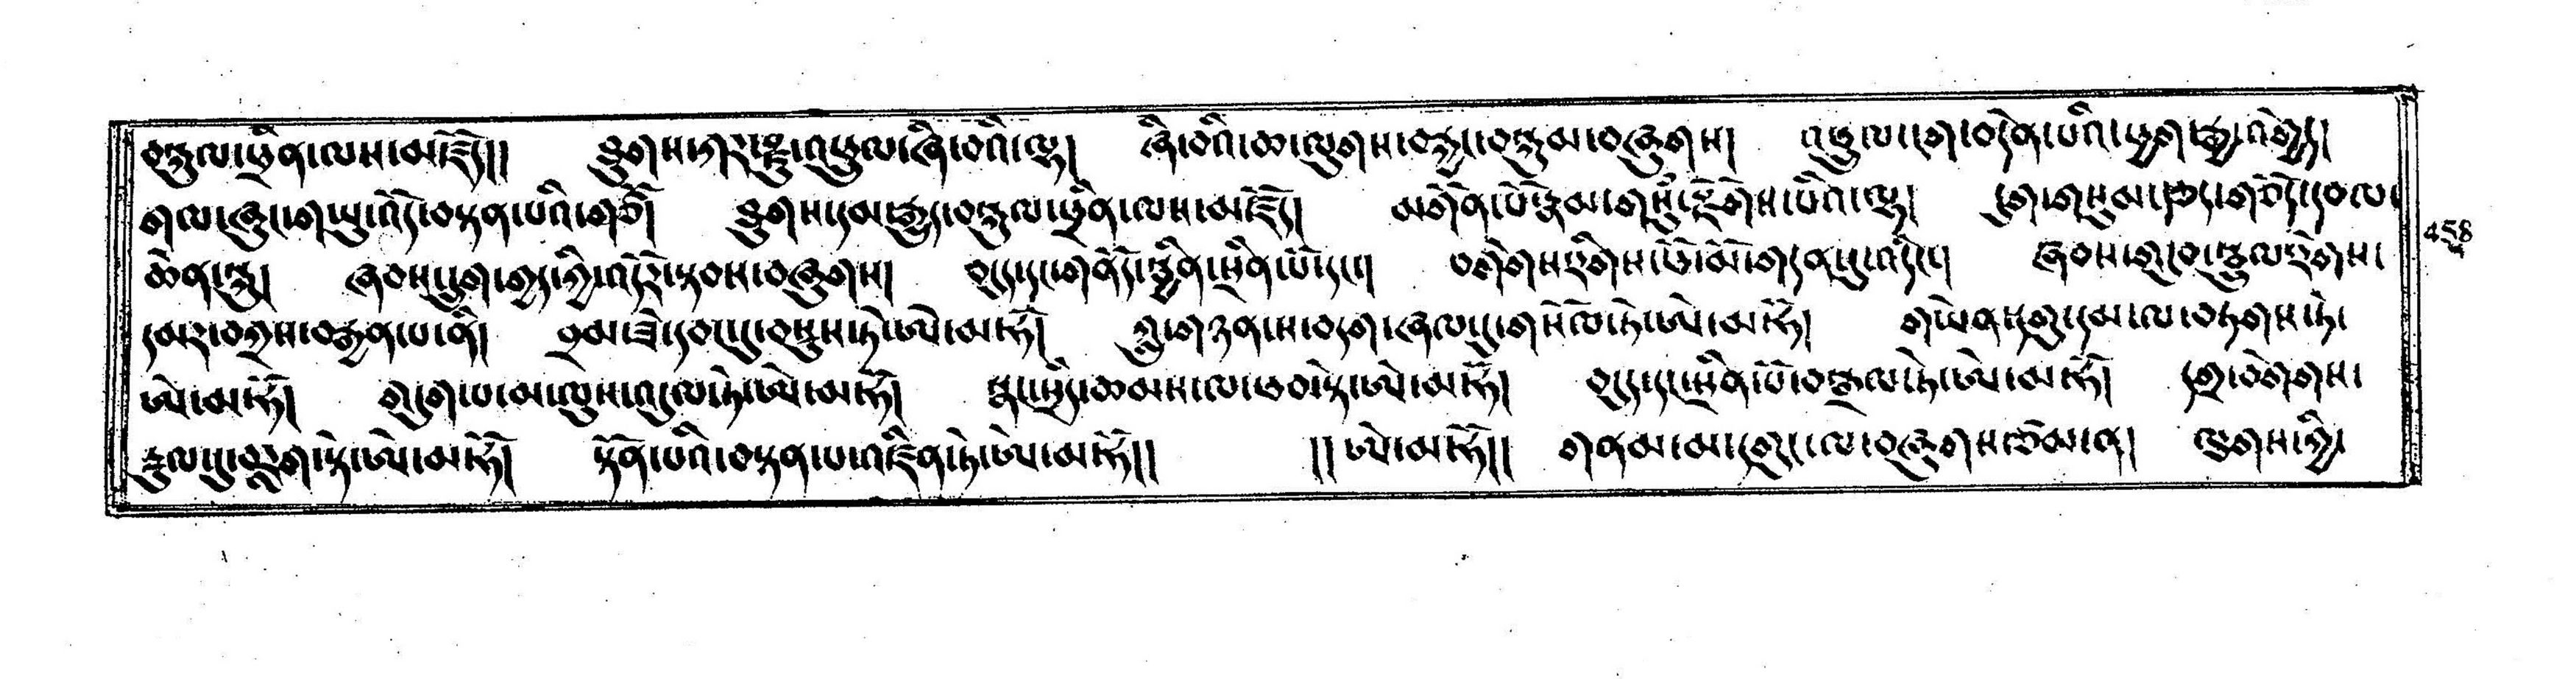བསྐུལ་ཕྲིན་ལས་མཛོད།། ཐུགས་ཀར་རྫུ་འཕྲུལ་ཞི་བའི་ལྷ། ཞི་བའི་ཆ་ལུགས་བརྐྱང་བསྐུམ་བཞུགས། འཕྲུལ་ངག་བདེན་པའི་ཕྱག་རྒྱ་འགྱེད། 
གལ་ཞུང་གཡུ་འོད་བསྟན་པའི་གཙོ། ཐུགས་དམ་རྒྱུད་བསྐུལ་ཕྲིན་ལས་མཛོད། མགོན་པོ་རྣམ་གསུམ་རྫོགས་པའི་ལྷ། དུག་གསུམ་རྩད་གཅོད་དབལ་
ཆེན་སྐུ། ཞབས་དྲུག་གྱད་ཀྱི་འདོར་སྟབས་བཞུགས། བདུད་དང་གནོད་སྦྱིན་སྲིན་པོ་དང་། བགེགས་རིགས་ཕོ་མོ་གདན་དུ་འདིང་། ཞབས་གདུབ་སྦྲུལ་རིགས་
དམར་བཀྲས་བརྒྱན་པ་ནི། བྲམ་ཟེ་དབང་དུ་བསྡུས་ཏེ་ཨེ་མ་ཧོ། ཀླུ་གཉན་ས་བདག་ཞལ་དུ་གསོལ་ཏེ་ཨེ་མ་ཧོ། གཡེན་དགུ་དམ་ལ་བཏགས་ཏེ་
ཨེ་མ་ཧོ། གདུག་པ་མ་ལུས་འདུལ་ཏེ་ཨེ་མ་ཧོ། སྣང་སྲིད་ཆམས་ལ་ཕབ་སྟེ་ཨེ་མ་ཧོ། བདུད་དང་སྲིན་པོ་བསྒྲལ་ཏེ་ཨེ་མ་ཧོ། {472}དགྲ་བགེགས་
རྡུལ་དུ་བརླག་སྟེ་ཨེ་མ་ཧོ། སྟོན་པའི་བསྟན་པ་འཛིན་ཏེ་ཨེ་མ་ཧོ།། །།ཨེ་མ་ཧོ། གནམ་མ་དགུང་ལ་བཞུགས་ཙམ་ན། ལྕགས་ཀྱི་